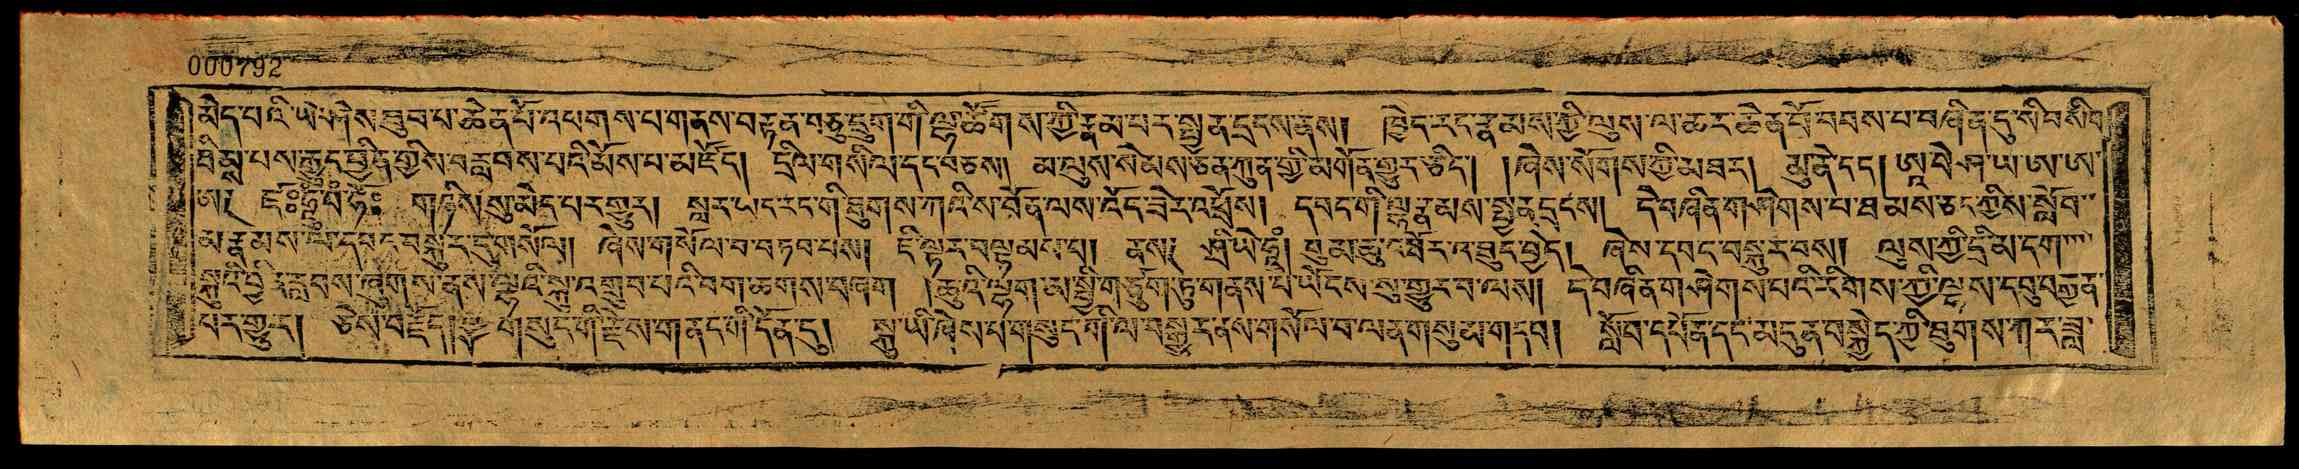མེད་པའི་ཡེ་ཤེས་ཐུབ་པ་ཆེན་པོ་འཕགས་པ་གནས་བརྟན་བཅུ་དྲུག་གི་ལྷ་ཚོགས་ཀྱི་རྣམ་པར་སྤྱན་དྲངས་ནས། ཁྱེད་རང་རྣམས་ཀྱི་ལུས་ལ་ཆར་ཆེན་པོ་བབས་པ་བཞིན་དུ་སིབ་སིབ་
ཐིམས་པས་རྒྱུད་བྱིན་གྱིས་བརླབས་པའི་མོས་པ་མཛོད། དྲིལ་གསིལ་དང་བཅས། མ་ལུས་སེམས་ཅན་ཀུན་གྱི་མགོན་གྱུར་ཅིང་། །ཞེས་སོགས་ཀྱི་མཐར། མུ་ནེ་དང་། ཨཱ་བེ་ཤ་ཡ་ཨ་ཨ་
ཨ༑ ཛཿ ཧཱུཾ་བཾ་ཧོཿ གཉིས་སུ་མེད་པར་གྱུར། སླར་ཡང་རང་གི་ཐུགས་ཀའི་ས་བོན་ལས་འོད་ཟེར་འཕྲོས། དབང་གི་ལྷ་རྣམས་སྤྱན་དྲངས། དེ་བཞིན་གཤེགས་པ་ཐམས་ཅད་ཀྱིས་སློབ་
མ་རྣམས་ལ་དབང་བསྐུར་དུ་གསོལ། ཞེས་གསོལ་བ་བཏབ་པས། ཇི་ལྟར་བལྟམས་པ། ནས༑ ཤྲི་ཡེ་ཧཱུཾ། བུམ་ཆུ་འཐོར་འཐུང་བྱེད། ཞེས་དབང་བསྐུར་བས། ལུས་ཀྱི་དྲི་མ་དག་
སྐུའི་བྱིན་རླབས་ཞུགས་ནས་ལྷའི་སྐུ་འགྲུབ་པའི་བག་ཆགས་བཞག །ཆུའི་ལྷག་མ་སྤྱི་གཙུག་ཏུ་གནས་པ་ཡོངས་སུ་གྱུར་པ་ལས། དེ་བཞིན་གཤེགས་པའི་རིགས་ཀྱི་ལྷས་དབུ་བརྒྱན་
པར་གྱུར། ཅེས་བརྗོད། ༈ གསུང་གི་རྗེས་གནང་གི་དོན་དུ། སྐུ་ཡི་ཞེས་པ་གསུང་ག་ལ་བསྒྱུར་ནས་གསོལ་བ་ལན་གསུམ་གདབ། སློབ་དཔོན་དང་མདུན་བསྐྱེད་ཀྱི་ཐུགས་ཀར་ཟླ་